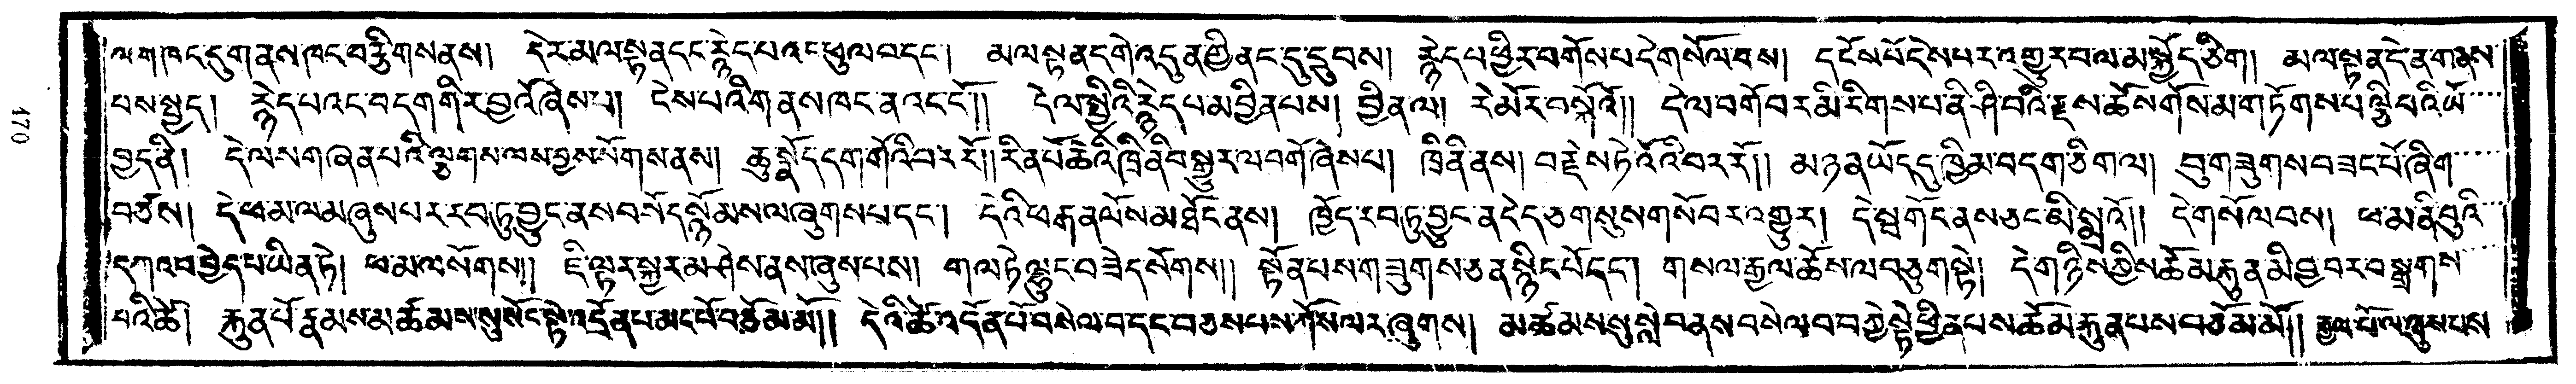ལག་ཁང་དུ་གནས་ཁང་བརྩིགས་ནས། དེར་མལ་སྟན་དང་རྙེད་པའང་ཕུལ་བ་དང་། མལ་སྟན་དགེ་འདུན་གྱི་ནང་དུ་དྲུབས། རྙེད་པ་ཕྱིར་བགོས་པ་དེ་གསོལ་བས། དངོས་པོ་ངེས་པར་འགྱུར་བ་ལ་མ་སྐྱོད་ཅིག། མལ་སྟན་དེ་ན་གནས་
པས་སྤྱད། རྙེད་པའང་བདག་གིར་བྱའོ་ཞེས་པ། ངེས་པའི་གནས་ཁང་ནའང་ངོ།། དེ་ལ་སྤྱིའི་རྙེད་པ་མ་བྱིན་པས། བྱིན་ལ། རེ་མོར་བསྐོའོ།། དེ་ལ་བགོ་བར་མི་རིགས་པ་ནི་ཤི་བའི་རྫས་ཆོས་གོས་མ་གཏོགས་པ་ལྕི་བའི་ཡོ་
བྱད་ནི། དེ་ལས་གཞན་པའི་ལྕགས་ལས་བྱས་སོགས་ནས། ཆུ་སྣོད་དག་གོའི་བར་རོ། །རིན་པོ་ཆེའི་ཁྲི་ནི་བསྒྱུར་ལ་བགོ་ཞེས་པ། ཁྲི་ནི་ནས། བརྗེས་ཏེ་འོའི་བར་རོ།། མཉན་ཡོད་དུ་ཁྱིམ་བདག་ཅིག་ལ། བུ་གཟུགས་བཟང་པོ་ཞིག་
བཙས། དེ་ཕ་མ་ལམ་ཞུས་པར་རབ་ཏུ་བྱུང་ནས་བསོད་སྙོམས་ལ་ཞུགས་པ་དང་། དེའི་ཕ་རྒན་ལོས་མཐོང་ནས། ཁྱོད་རབ་ཏུ་བྱུང་ན་ངེད་ཅག་སུས་གསོ་བར་འགྱུར། དེ་སྦ་གོང་ནས་ཅང་མི་སྨྲའོ།། དེ་གསོལ་བས། ཕ་མ་ནི་བུའི་
དགའ་བ་བྱེད་པ་ཡིན་ཏེ། ཕ་མ་ལ་སོགས།། ཇི་ལྟར་སྐྱར་མ་ཤེས་ནས་ཞུས་པས། གལ་ཏེ་ལྷུང་བཟེད་སོགས།། སྟོན་པས་གཟུགས་ཅན་སྙིང་པོ་དང་། གསལ་རྒྱལ་ཆོས་ལ་བཅུག་སྟེ། དེ་གཉིས་ཀྱིས་ཆོམ་རྐུན་མི་བྱ་བར་བསྒྲགས་
པའི་ཚེ། རྐུན་པོ་རྣམས་མཚམས་སུ་སོང་སྟེ་འདྲོན་པ་མང་པོ་བཅོམ་མོ།། དེའི་ཚེ་འདོན་པོ་བསེལ་བ་དང་བཅས་པས་ཀོས་ལར་ཞུགས། མཚམས་སུ་སླེབ་ནས་བསེལ་བ་བཀྱེ་སྟེ་ཕྱིན་པས་ཆོམ་རྐུན་པས་བཅོམ་མོ།། རྒྱལ་པོ་ལ་ཞུས་པས་